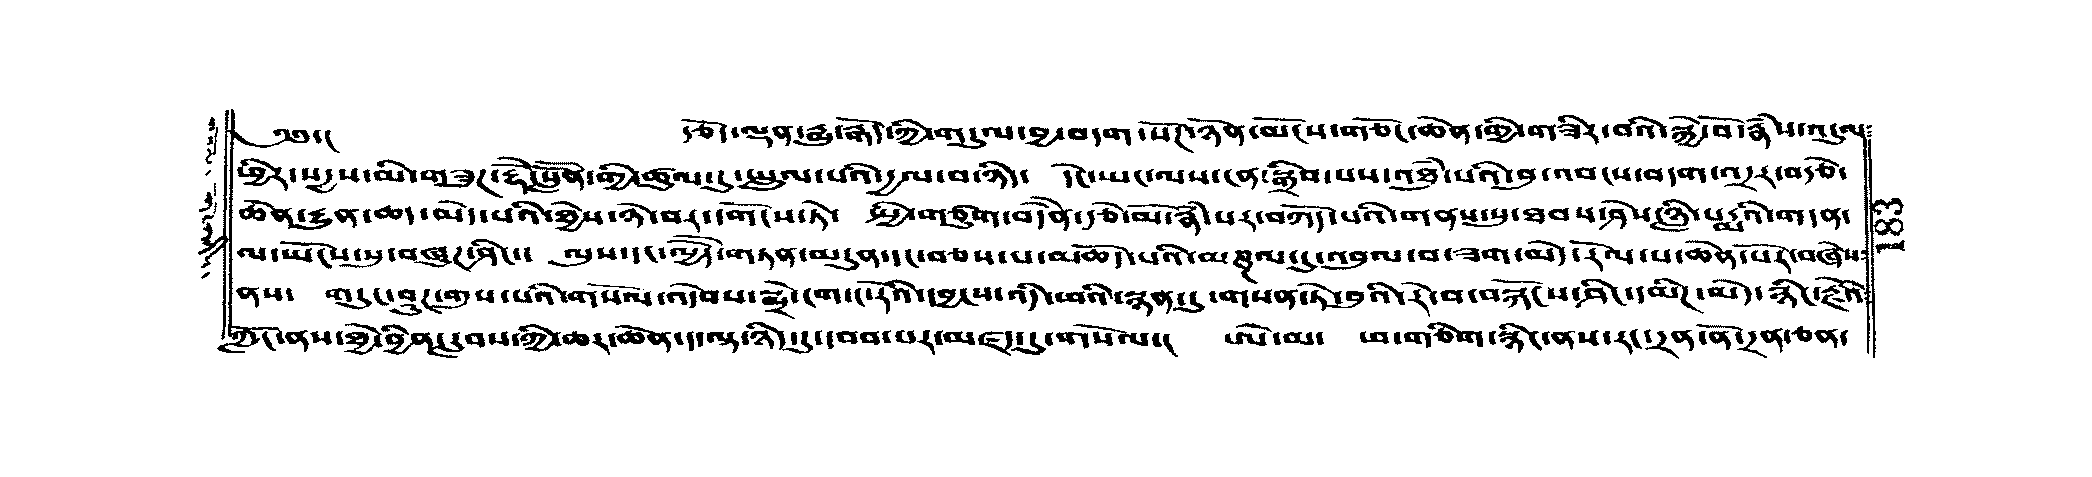རྩོད་ལྡན་རྨུ་རྒོད་ཀྱི་གདུལ་བྱ་བདག་སོགས་ཉོན་མངོས་གཅོང་ཆེན་གྱི་གཟིར་བའི་སྐྱེ་བོ་རྣམས་འདུལ་
ཕྱིར་སངས་རྒྱས་མི་གཟུགས་རྡོ་རྗེ་སློབ་དཔོན་གྱི་ཚུལ་དུ་སྤྲུལ་པའི་རྒྱལ་བ་ཉིད། དེང་ཡང་ལས་ངན་སྒྲིབ་པས་འཐུམས་པའི་བུ་འབངས་བདག་འདྲར་བརྩེ་
ཆེན་རྒྱུན་ཆད་མེད་པའི་ཐུགས་རྗེས་ཉེ་བར་དགོངས་ཏེ། སྤྱི་གཙུག་བདེ་ཆེན་རྩེ་མོ་རྣམ་པར་བཀོད་པའི་གནས་སུ་ཐབས་ཤེས་ཉི་ཟླ་པདྨའི་གདན་
ལ་ཡོངས་སུ་བཞུགས་ཤིང་། ལུས་དང་ལོངས་སྤྱོད་གཏན་མདུན་དང་བཅས་པ་མཆོད་པའི་མཎྜལ་དུ་འབུལ་བ་ཟག་མེད་རོལ་པ་ཆེན་པོར་བཞེས་
ནས། གདུང་ཤུགས་གུས་པའི་གསོལ་འདེབས་སྨྲེ་ངག་ང་རོའི་དབྱངས་འདི་ཕའི་སྙན་དུ་གསན་ཏེ་བུའི་རེ་བ་བསྐོང་ཞིང་དམིགས་མེད་སྙིང་རྗེའི་
ཀློང་ནས་ཐུགས་རྗེ་བྱིན་རླབས་ཀྱི་ཆར་ཆེན་ད་ལྟ་ཉིད་དུ་དབབ་པར་མཛད་དུ་གསོལ།ཨེ་མ། ཕ་གཅིག་སྙིང་ནས་རང་དྲན་ནོ་དྲིན་ཅན་